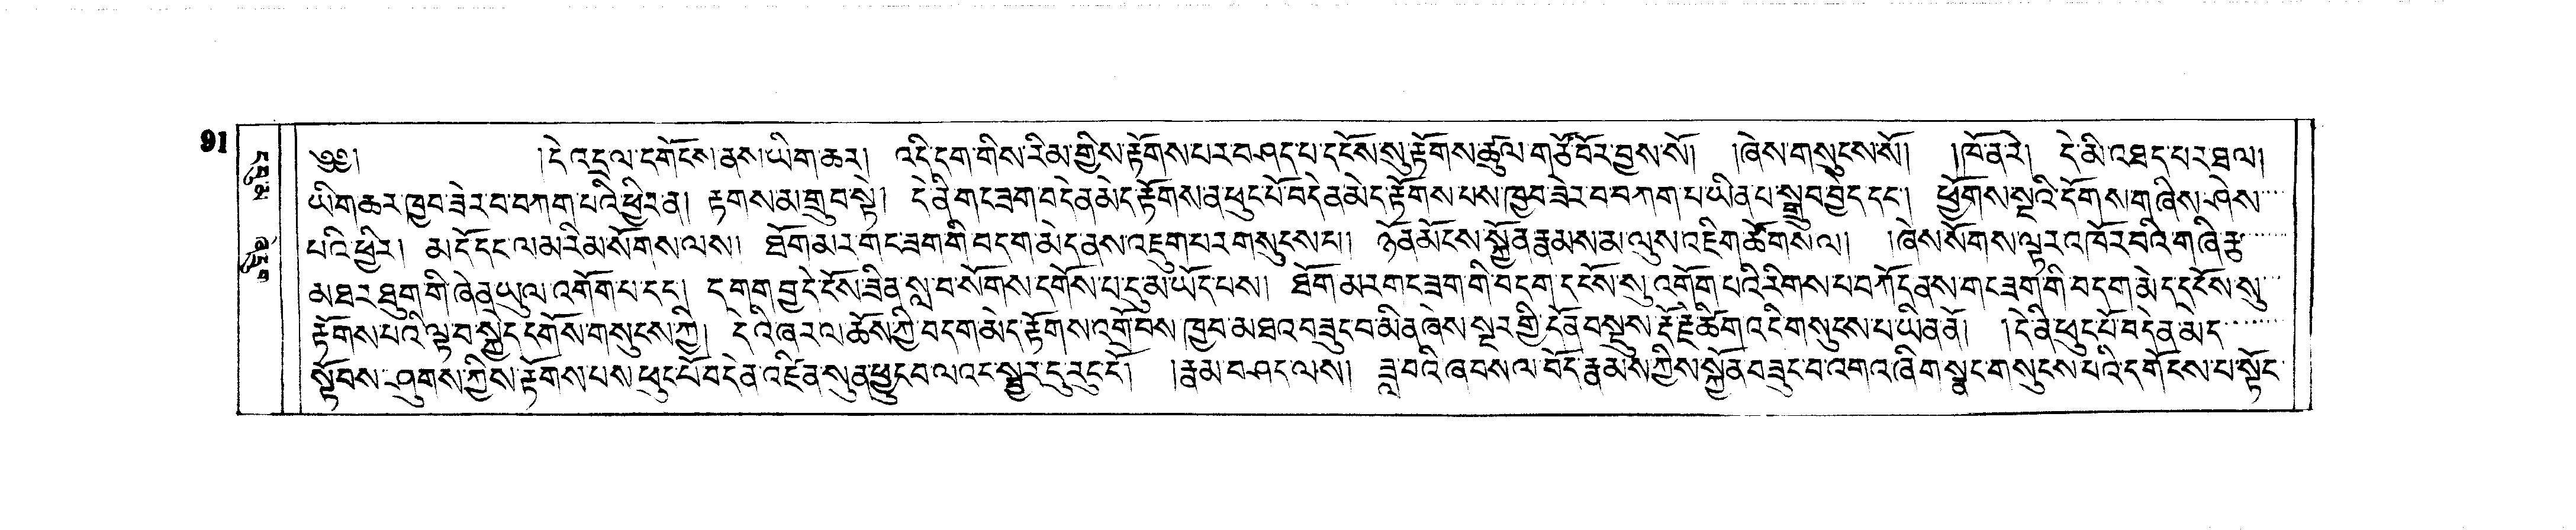༄༅། །དེ་འདྲ་ལ་དགོངས་ནས་ཡིག་ཆར། འདི་དག་གིས་རིམ་གྱིས་རྟོགས་པར་བཤད་པ་དངོས་སུ་རྟོགས་ཚུལ་གཙོ་བོར་བྱས་སོ། །ཞེས་གསུངས་སོ། །ཁོ་ན་རེ། དེ་མི་འཐད་པར་ཐལ།
ཡིག་ཆར་ཁྱབ་ཟེར་བ་བཀག་པའི་ཕྱིར་ན། རྟགས་མ་གྲུབ་སྟེ། དེ་ནི་གང་ཟག་བདེན་མེད་རྟོགས་ན་ཕུང་པོ་བདེན་མེད་རྟོགས་པས་ཁྱབ་ཟེར་བ་བཀག་པ་ཡིན་པ་སྒྲུབ་བྱེད་དང་། ཕྱོགས་སྔའི་དོགས་གཞིས་ཤེས་
པའི་ཕྱིར། མདོ་དང་ལམ་རིམ་སོགས་ལས། ཐོག་མར་གང་ཟག་གི་བདག་མེད་ནས་འཇུག་པར་གསུངས་པ། ཉོན་མོངས་སྐྱོན་རྣམས་མ་ལུས་འཇིག་ཚོགས་ལ། །ཞེས་སོགས་ལྟར་འཁོར་བའི་གཞི་རྩ་
མཐར་ཐུག་གི་ཞེན་ཡུལ་འགོག་པ་དང་། དགག་བྱ་དེ་ངོས་ཟིན་སླ་བ་སོགས་དགོས་པ་དུ་མ་ཡོད་པས། ཐོག་མར་གང་ཟག་གི་བདག་དངོས་སུ་འགོག་པའི་རིགས་པ་བཀོད་ནས་གང་ཟག་གི་བདག་མེད་དངོས་སུ་
རྟོགས་པའི་ལྟ་བ་སྐྱེད་དགོས་གསུངས་ཀྱི། དེའི་ཞར་ལ་ཆོས་ཀྱི་བདག་མེད་རྟོགས་འགྲོ་བས་ཁྱབ་མཐའ་བཟུང་བ་མིན་ཞེས་སྔར་གྱི་དོན་བསྡུས་རྡོ་རྗེ་ཚིག་འདི་གསུངས་པ་ཡིན་ནོ། །དེ་ནི་ཕུང་པོ་བདེན་མེད་
སྟོབས་ཤུགས་ཀྱིས་རྟོགས་པས་ཕུང་པོ་བདེན་འཛིན་སུན་ཕྱུང་བ་ལའང་སྦྱར་དུ་རུང་ངོ། །རྣམ་བཤད་ལས། ཟླ་བའི་ཞབས་ལ་བོད་རྣམས་ཀྱིས་སྐྱོན་བཟུང་བ་འགའ་ཞིག་སྣང་གསུངས་པའི་དགོངས་པ་སྟོང་